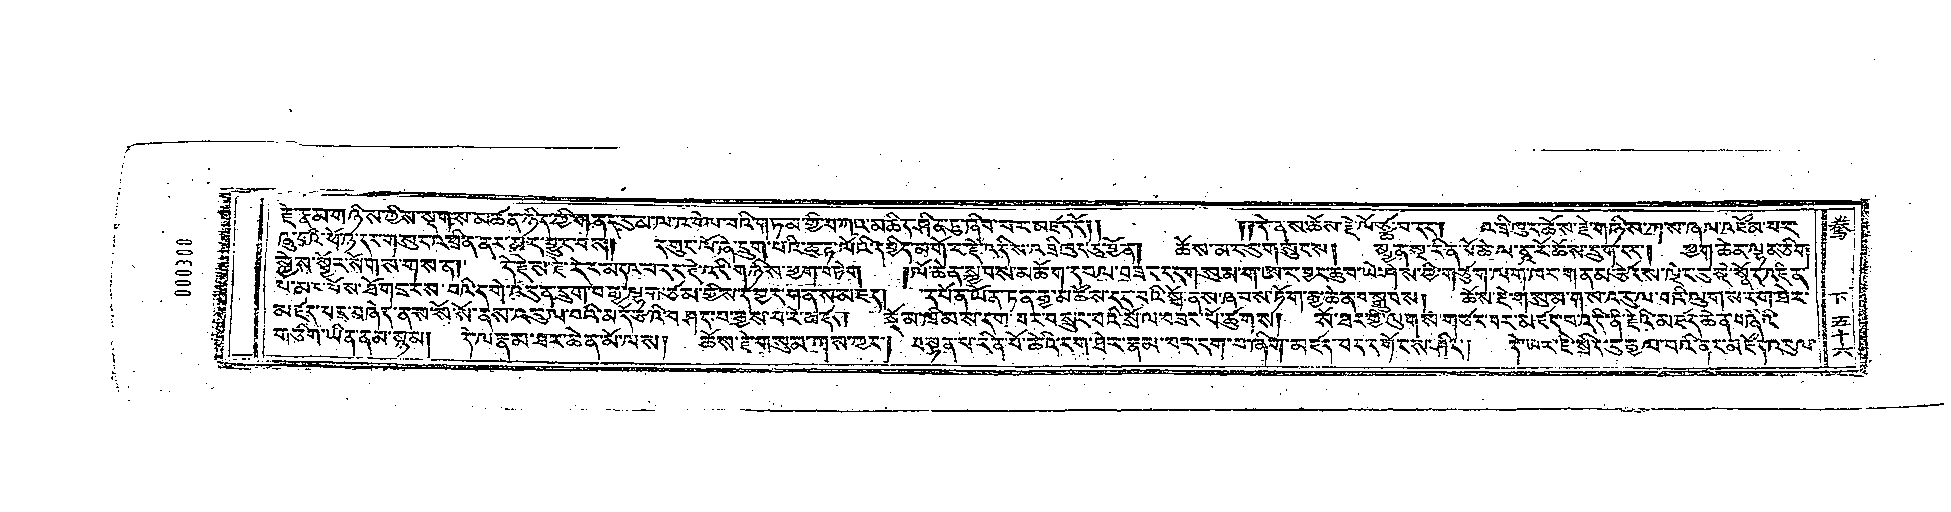རྗེ་རྣམ་གཉིས་ཀྱིས་སྔགས་མཚན་ཉིད་ཀྱི་གནང་དུ་མ་ལ་འབེལ་བའི་གཏམ་གྱི་བཀའ་མཆིད་ཤིན་ཏུ་ཞིབ་པར་མཛད་དོ།། །།དེ་ནས་ཆོས་རྗེ་ལོ་ཙྪ་བ་དང་། འབྲི་ཁུང་ཆོས་རྗེ་གཉིས་ཀས་ཞལ་འཛོམ་པར་
ཞུ་བའི་ཕོ་ཉ་དང་གསུང་འཕྲིན་ནར་མར་བྱུང་བས། དགུང་ལོ་ཞེ་དྲུག་པའི་ཆུ་རྟ་ལོའི་དཔྱིད་མགོར་རྗེ་འདིས་འབྲི་ཁུང་དུ་བྱོན། ཆོས་མང་དུ་གསུངས། སྤྱན་སྔ་རིན་པོ་ཆེ་ལ་ནཱ་རོ་ཚེས་དྲུག་དང་། ཕྱག་ཆེན་ལྷན་ཅིག་
སྐྱེས་སྦྱོར་སོགས་གསན། དེ་རྗེས་རྗེ་རེད་མདའ་པ་དང་རྗེ་འདི་གཉིས་ཕྱག་བཏེག །ལོ་ཆེན་སྐྱབས་མཆོག་དཔལ་བཟང་དང་གསུམ་ག་ཨང་བྱང་ཆུབ་ཡེ་ཤེས་ཀྱི་གཙུག་ལག་ཁང་གནམ་རྩེངས་ལྡེང་དུ་སྡེ་སྣོད་འཛིན་
པ་མང་པོས་ཐོག་དྲངས་པའི་དགེ་འདུན་དྲུག་བརྒྱ་ལྷག་ཙམ་གྱིས་དབྱར་གནས་མཛད། དཔོན་ཡོན་ཏན་རྒྱ་མཚོས་དད་པའི་སྒོ་ནས་ཞབས་ཏོག་རྒྱ་ཆེན་བསྒྲུབས། ཆོས་རྗེ་གསུམ་གས་འདུལ་བའི་ལུགས་དག་ཐེར་
མཛད་པར་བཞེད་ནས་སོ་སོ་ནས་འདུལ་བའི་མདོ་རྩའི་བཤད་པ་རྒྱས་པ་རེ་མཛད། སྡོམ་ཁྲིམས་དག་བར་བསྲུང་བའི་སྲོལ་བཟང་པོ་ཚུགས། སོ་ཐར་གྱི་ལུགས་གཙང་བར་མཛད་པ་འདི་ནི་རྗེའི་མཛད་ཆེན་བཞིའི་
གཅིག་ཡིན་ནམ་སྙམ། དེ་ལ་རྣམ་ཐར་ཆེན་མོ་ལས། ཆོས་རྗེ་གསུམ་ཀས་ཀྱང་། བསྟན་པ་རིན་པོ་ཆེའི་དག་ཐེར་རྣམ་པར་དག་པ་ཞིག་མཛད་པར་དགོངས་ཤིང་། དེ་ཡང་ཇི་སྲིད་དུ་རྒྱལ་བའི་ནང་མཛོད་འདུལ་